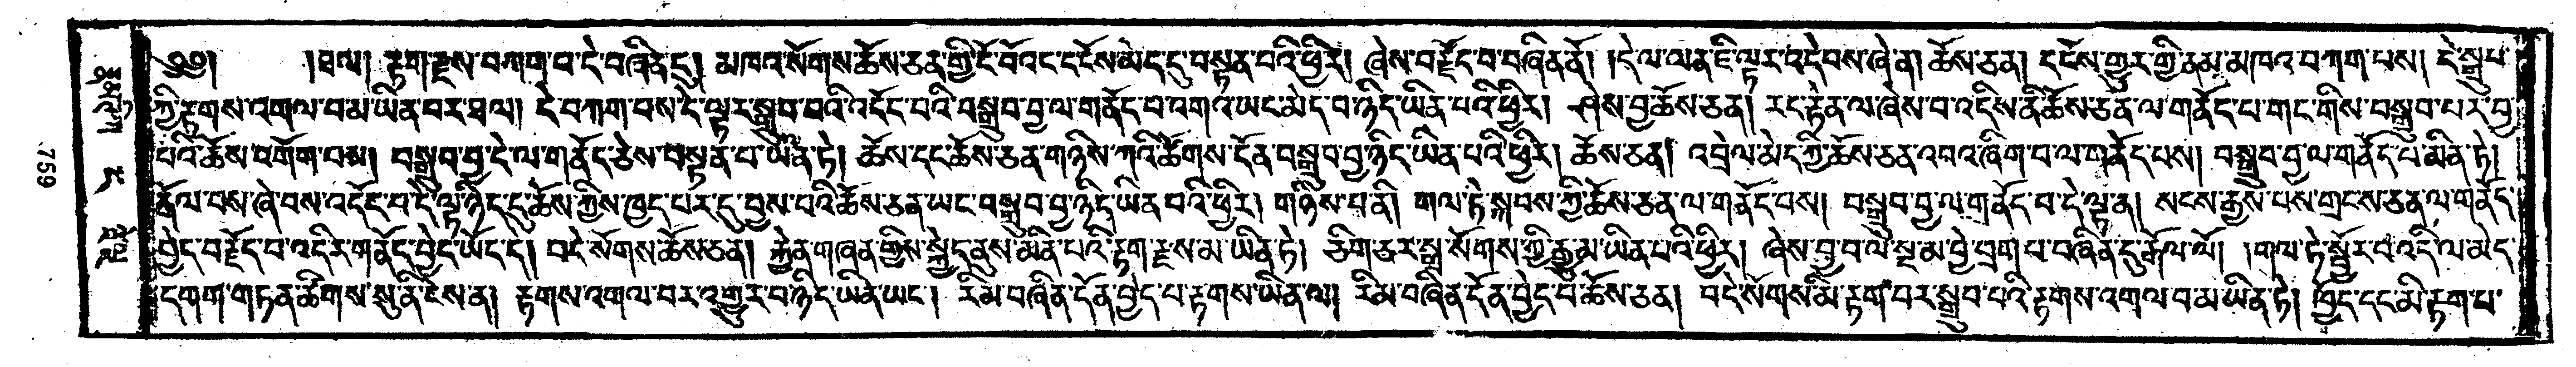༄༅། །ཐལ། རྟག་རྫས་བཀག་བ་དེ་བཞིན་དུ། མཁའ་སོགས་ཆོས་ཅན་གྱི་ངོ་བོའང་དངོས་མེད་དུ་བསྟན་བའི་ཕྱིར། ཞེས་བརྗོད་བ་བཞིན་ནོ། །དེ་ལ་ལན་ཇི་ལྟར་འདེབས་ཞེ་ན། ཆོས་ཅན། དངོས་གྱུར་གྱི་ནམ་མཁའ་བཀག་པས། དེ་སྒྲུབ་
ཀྱི་རྟགས་འགལ་བ་མ་ཡིན་བར་ཐལ། དེ་བཀག་བས་དེ་ལྟར་སྒྲུབ་པའི་འདོད་པའི་བསྒྲུབ་བྱ་ལ་གནོད་པ་འགའ་ཡང་མེད་བ་ཉིད་ཡིན་པའི་ཕྱིར། ཤེས་བྱ་ཆོས་ཅན། རང་རྟེན་ལ་ཞེས་པ་འདིས་ནི་ཆོས་ཅན་ལ་གནོད་པ་གང་གིས་བསྒྲུབ་པར་བྱ་
པའི་ཆོས་འགོག་བས། བསྒྲུབ་བྱ་དེ་ལ་གནོད་ཅེས་བསྟན་པ་ཡིན་ཏེ། ཆོས་དང་ཆོས་ཅན་གཉིས་ཀའི་ཚོགས་དོན་བསྒྲུབ་བྱ་ཉིད་ཡིན་པའི་ཕྱིར། ཆོས་ཅན། འབྲེལ་མེད་ཀྱི་ཆོས་ཅན་འབའ་ཞིག་བ་ལ་གནོད་པས། བསྒྲུབ་བྱ་ལ་གནོད་པ་མིན་ཏེ།
རྒོལ་བས་ཞེ་བས་འདོད་བ་དེ་ལྟ་ཉིད་དུ་ཆོས་ཀྱིས་ཁྱད་པར་དུ་བྱས་པའི་ཆོས་ཅན་ཡང་བསྒྲུབ་བྱ་ཉིད་ཡིན་བའི་ཕྱིར། གཉིས་པ་ནི། གལ་ཏེ་སྐབས་ཀྱི་ཆོས་ཅན་ལ་གནོད་བས། བསྒྲུབ་བྱ་ལ་གནོད་བ་དེ་ལྟ་ན། སངས་རྒྱས་པས་གྲངས་ཅན་ལ་གནོད་
བྱེད་བརྗོད་བ་འདིར་གནོད་བྱེད་ཡོད་དེ། བདེ་སོགས་ཆོས་ཅན། རྐྱེན་གཞན་གྱིས་སྐྱེད་ནུས་མིན་པའི་རྟག་རྫས་མ་ཡིན་ཏེ། ཅིག་ཅར་སྒྲ་སོགས་ཀྱི་རྒྱུ་མ་ཡིན་པའི་ཕྱིར། ཞེས་བྱ་བ་ལ་སྔ་མ་བྱེ་བྲག་པ་བཞིན་དུ་རྒོལ་ལོ། །གལ་ཏེ་སྦྱོར་བ་འདི་ལ་མེད་
དགག་གཏན་ཚིགས་སུ་ནི་ངེས་ན། རྟགས་འགལ་བར་འགྱུར་བ་ཉིད་ཡིན་ཡང་། རིམ་བཞིན་དོན་བྱེད་པ་རྟགས་ཡིན་ལ། རིམ་བཞིན་དོན་བྱེད་པ་ཆོས་ཅན། བདེ་སོགས་མི་རྟག་བར་སྒྲུབ་པའི་རྟགས་འགལ་བ་མ་ཡིན་ཏེ། ཁྱོད་དང་མི་རྟག་པ་